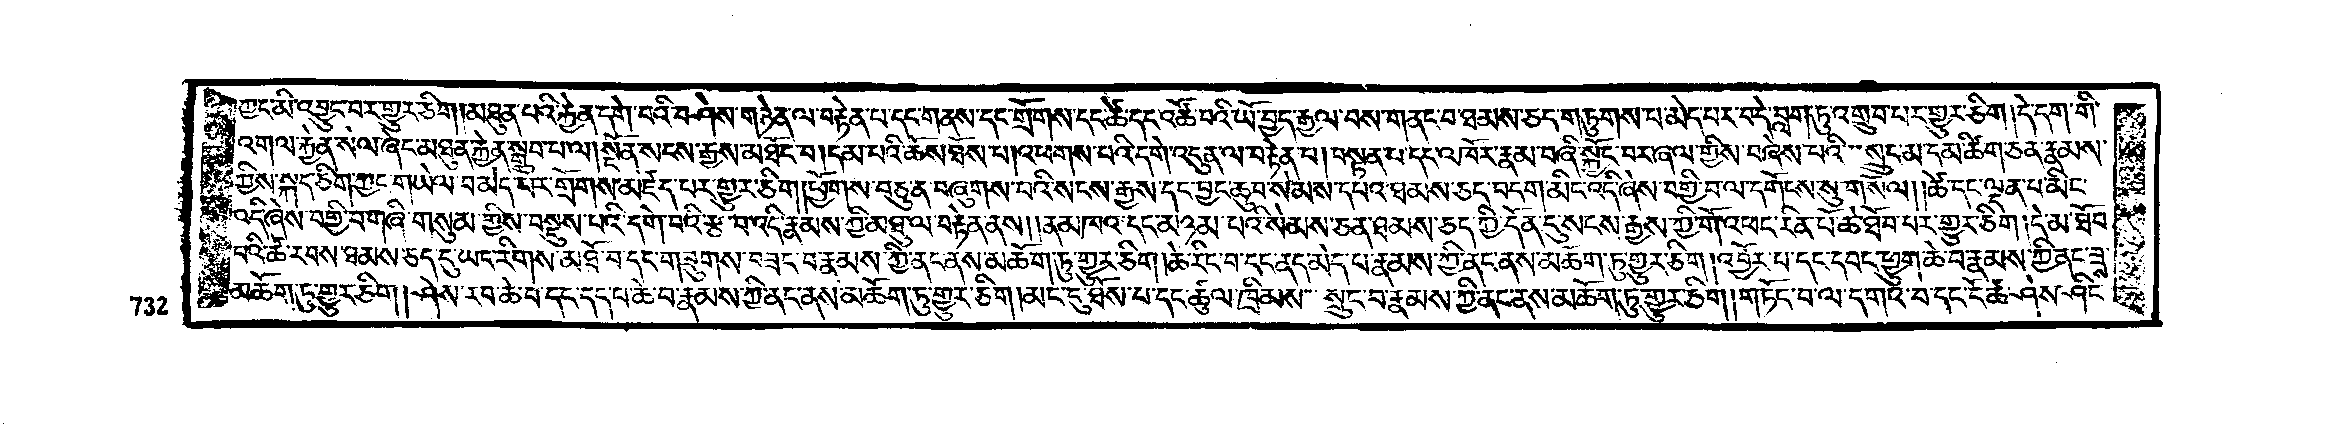ཀྱང་མི་འབྱུང་བར་གྱུར་ཅིག །མཐུན་པའི་རྐྱེན་དགེ་བའི་བཤེས་གཉེན་ལ་བརྟེན་པ་དང་གནས་དང་གྲོགས་དང་ཚེ་དང་འཚོ་བའི་ཡོ་བྱད་རྒྱལ་བས་གནང་བ་ཐམས་ཅད་གཏུགས་པ་མེད་པར་བདེ་བླག་ཏུ་འགྲུབ་པར་གྱུར་ཅིག །དེ་དག་གི་
འགལ་རྐྱེན་སེལ་ཞིང་མཐུན་རྐྱེན་སྒྲུབ་པ་ལ། སྔོན་སངས་རྒྱས་མཐོང་བ། དམ་པའི་ཆོས་ཐོས་པ། འཕགས་པའི་དགེ་འདུན་ལ་བརྟེན་པ། བསྟན་པ་དང་འཁོར་རྣམ་བཞི་སྐྱོང་བར་ཞལ་གྱིས་བཞེས་པའི་སྲུང་མ་དམ་ཚིག་ཅན་རྣམས་
ཀྱིས་སྐད་ཅིག་ཀྱང་གཡེལ་བ་མེད་པར་གྲོགས་མཛད་པར་གྱུར་ཅིག །ཕྱོགས་བཅུ་ན་བཞུགས་པའི་སངས་རྒྱས་དང་བྱང་ཆུབ་སེམས་དཔའ་ཐམས་ཅད་བདག་མིང་འདི་ཞེས་བགྱི་བ་ལ་དགོངས་སུ་གསོལ། །ཚེ་དང་ལྡན་པ་མིང་
འདི་ཞེས་བགྱི་བ་གཞི་གསུམ་གྱིས་བསྡུས་པའི་དགེ་བའི་རྩ་བ་འདི་རྣམས་ཀྱི་མཐུ་ལ་བརྟེན་ནས། །ནམ་མཁའ་དང་མཉམ་པའི་སེམས་ཅན་ཐམས་ཅད་ཀྱི་དོན་དུ་སངས་རྒྱས་ཀྱི་གོ་འཕང་རིན་པོ་ཆེ་ཐོབ་པར་གྱུར་ཅིག །དེ་མ་ཐོབ་
པའི་ཚེ་རབས་ཐམས་ཅད་དུ་ཡང་རིགས་མཐོ་བ་དང་གཟུགས་བཟང་བ་རྣམས་ཀྱི་ནང་ནས་མཆོག་ཏུ་གྱུར་ཅིག །ཚེ་རིང་བ་དང་ནད་མེད་པ་རྣམས་ཀྱི་ནང་ནས་མཆོག་ཏུ་གྱུར་ཅིག །འབྱོར་པ་དང་དབང་ཕྱུག་ཆེ་བ་རྣམས་ཀྱི་ནང་ནས་མཆོག་ཏུ་གྱུར་ཅིག །ཤེས་རབ་ཆེ་བ་དང་དད་པ་ཆེ་བ་རྣམས་ཀྱི་ནང་ནས་མཆོག་ཏུ་གྱུར་ཅིག །མང་དུ་ཐོས་པ་དང་ཚུལ་ཁྲིམས་སྲུང་བ་རྣམས་ཀྱི་ནང་ནས་མཆོག་ཏུ་གྱུར་ཅིག །གཏོང་བ་ལ་དགའ་བ་དང་ངོ་ཚ་ཤེས་ཤིང་